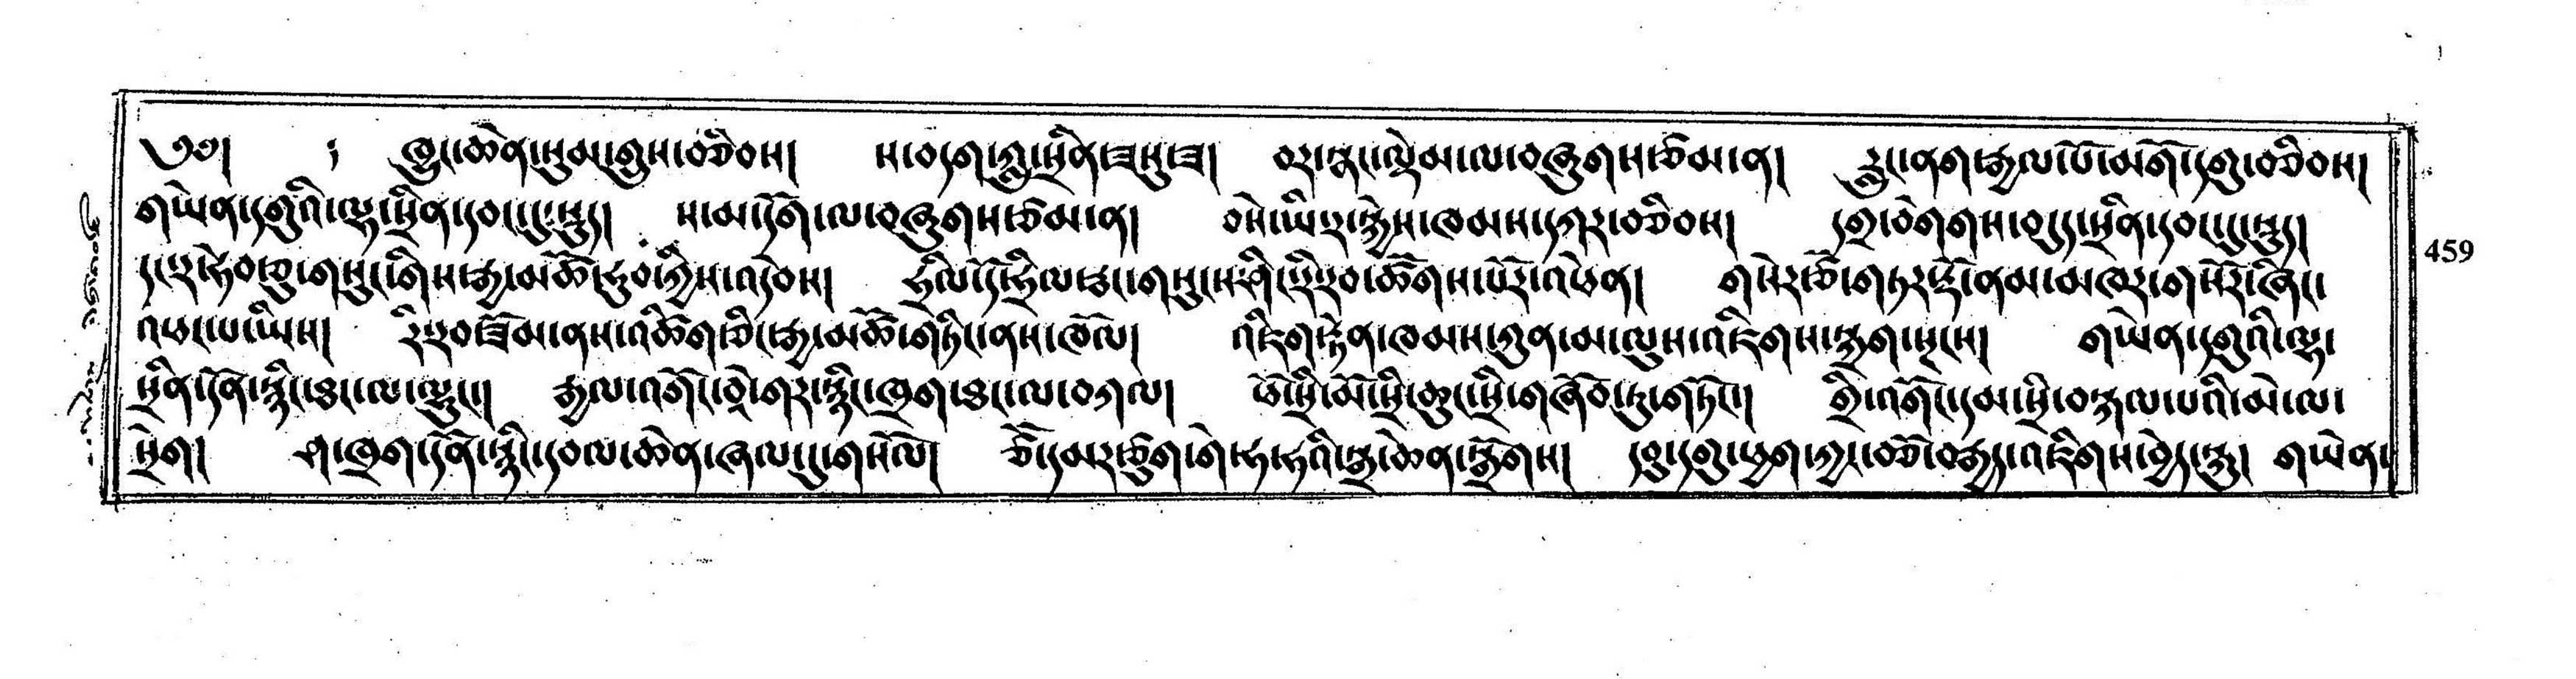ཁྱུང་ཆེན་སུམ་གྲུས་བཅིབས། ས་བདག་ཀླུ་སྲིན་ཟས་སུ་ཟ། བར་སྣང་ལྡེམ་ལ་བཞུགས་ཙམ་ན། རླུང་ནག་རྒྱལ་པོ་མགོ་དགུ་བཅིབས། 
གཡེན་དགུའི་ལྷ་སྲིན་དབང་དུ་སྡུད། ས་མ་དོག་ལ་བཞུགས་ཙམ་ན། བསེ་ཡི་ར་སྐྱེས་ཁམས་དཀར་བཅིབས། དགྲ་བགེགས་བདུད་སྲིན་དབང་དུ་སྡུད། 
དང་ར་ཧེབ་ཅུ་གསུང་གིས་རྒྱ་མཚོ་ཧུབ་ཀྱིས་འདེབས། ཧྲིལ་དོ་ཧྲིལ་རྦང་གསུངས་ཤིང་རི་རབ་ཚོགས་པོར་འཕེན། གསེར་ཙོ་གཏར་རྡོ་ནམ་མཁར་གསོར་ཞིང་
འཕང་པ་ཡིས། རི་རབ་ཟོམ་ནས་འཚིག་ཅིང་རྒྱ་མཚོ་གཏིང་ནས་ཁོལ། འཇིག་རྟེན་ཁམས་ཀུན་མ་ལུས་འཇིགས་སྐྲག་སྔངས། གཡེན་དགུའི་ལྷ་
སྲིན་དོན་སྙིང་ཐང་ལ་ལྷུང་། རྒྱལ་འགོང་བཱེ་གར་སྙིང་ཁྲག་ཐང་ལ་བཀལ། ཕོ་སྲི་མོ་སྲི་ཆུང་སྲི་གཞོབ་ཏུ་གཏོང་། གྲི་འགོང་དམ་སྲི་བསྐལ་པའི་{473}མེ་ལ་
སྲེག ཤ་ཁྲག་དོན་སྙིང་དབལ་ཆེན་ཞལ་དུ་གསོལ། ཙོ་དམར་ཙུག་གེ་ཧ་ཧའི་སྒྲ་ཆེན་སྒྲོགས། དབུ་དགུ་ཕྱག་ཀྱང་བཅོ་བརྒྱད་འཇིགས་བྱེད་སྐུ། གཡེན་